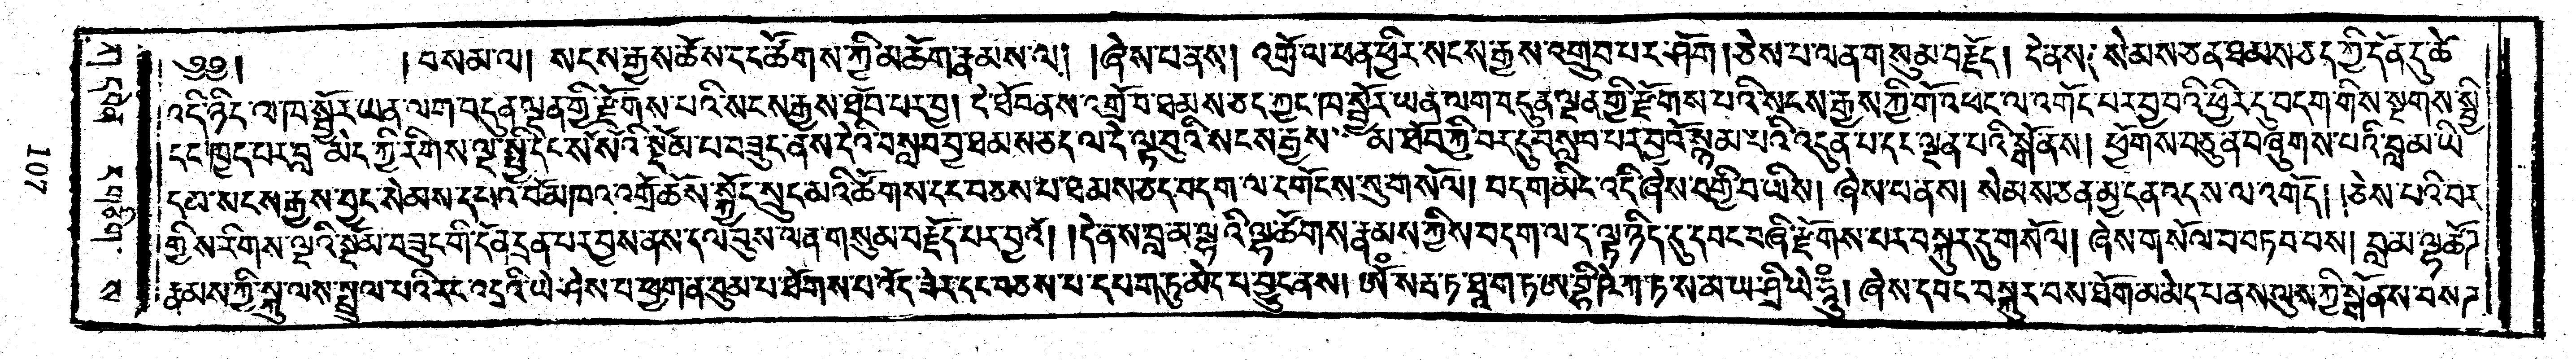༄༅། །བསམ་ལ། སངས་རྒྱས་ཆོས་དང་ཚོགས་ཀྱི་མཆོག་རྣམས་ལ། །ཞེས་པ་ནས། འགྲོ་ལ་ཕན་ཕྱིར་སངས་རྒྱས་འགྲུབ་པར་ཤོག །ཅེས་པ་ལན་གསུམ་བརྗོད། དེ་ནས། སེམས་ཅན་ཐམས་ཅད་ཀྱི་དོན་དུ་ཚེ་
འདི་ཉིད་ལ་ཁ་སྦྱོར་ཡན་ལག་བདུན་ལྡན་གྱི་རྫོགས་པའི་སངས་རྒྱས་ཐོབ་པར་བྱ། དེ་ཐོབ་ནས་འགྲོ་བ་ཐམས་ཅད་ཀྱང་ཁ་སྦྱོར་ཡན་ལག་བདུན་ལྡན་གྱི་རྫོགས་པའི་སངས་རྒྱས་ཀྱི་གོ་འཕང་ལ་འགོང་པར་བྱ་བའི་ཕྱིར་དུ་བདག་གིས་སྔགས་སྤྱི་
དང་ཁྱད་པར་བླ་མེད་ཀྱི་རིགས་ལྔ་སྤྱི་དང་སོ་སོའི་སྡོམ་པ་བཟུང་ནས་དེའི་བསླབ་བྱ་ཐམས་ཅད་ལ་དེ་ལྟ་བུའི་སངས་རྒྱས་མ་ཐོབ་ཀྱི་བར་དུ་བསླབ་པར་བྱའོ་སྙམ་པའི་འདུན་པ་དང་ལྡན་པའི་སྒོ་ནས། ཕྱོགས་བཅུ་ན་བཞུགས་པའི་བླ་མ་ཡི་
དམ་སངས་རྒྱས་བྱང་སེམས་དཔའ་བོ་མཁའ་འགྲོ་ཆོས་སྐྱོང་སྲུང་མའི་ཚོགས་དང་བཅས་པ་ཐམས་ཅད་བདག་ལ་དགོངས་སུ་གསོལ། །བདག་མིང་འདི་ཞེས་བགྱི་བ་ཡིས། ཞེས་པ་ནས། སེམས་ཅན་མྱ་ངན་འདས་ལ་འགོད། །ཅེས་པའི་བར་
གྱིས་རིགས་ལྔའི་སྡོམ་བཟུང་གི་དོན་དྲན་པར་བྱས་ནས་དལ་བུས་ལན་གསུམ་བརྗོད་པར་བྱའོ། །དེ་ནས་བླ་མ་ལྷའི་ལྷ་ཚོགས་རྣམས་ཀྱིས་བདག་ལ་ད་ལྟ་ཉིད་དུ་དབང་བཞི་རྫོགས་པར་བསྐུར་དུ་གསོལ། ཞེས་གསོལ་བ་བཏབ་པས། བླ་མ་ལྷ་ཚོཌ་
རྣམས་ཀྱི་སྐུ་ལས་སྤྲུལ་པའི་རང་འདྲའི་ཡེ་ཤེས་པ་ཕྱག་ན་བུམ་པ་ཐོགས་པ་འོད་ཟེར་དང་བཅས་པ་དཔག་ཏུ་མེད་པ་བྱུང་ནས། ཨོཾ་སརྦ་ཏ་ཐཱ་ག་ཏ་ཨ་བྷི་ཥེ་ཀ་ཏ་ས་མ་ཡ་ཤྲི་ཡེ་ཧཱུཾ། ཞེས་དབང་བསྐུར་བས་ཐོག་མ་མེད་པ་ནས་ལུས་ཀྱི་སྒོ་ནས་བསཌ་